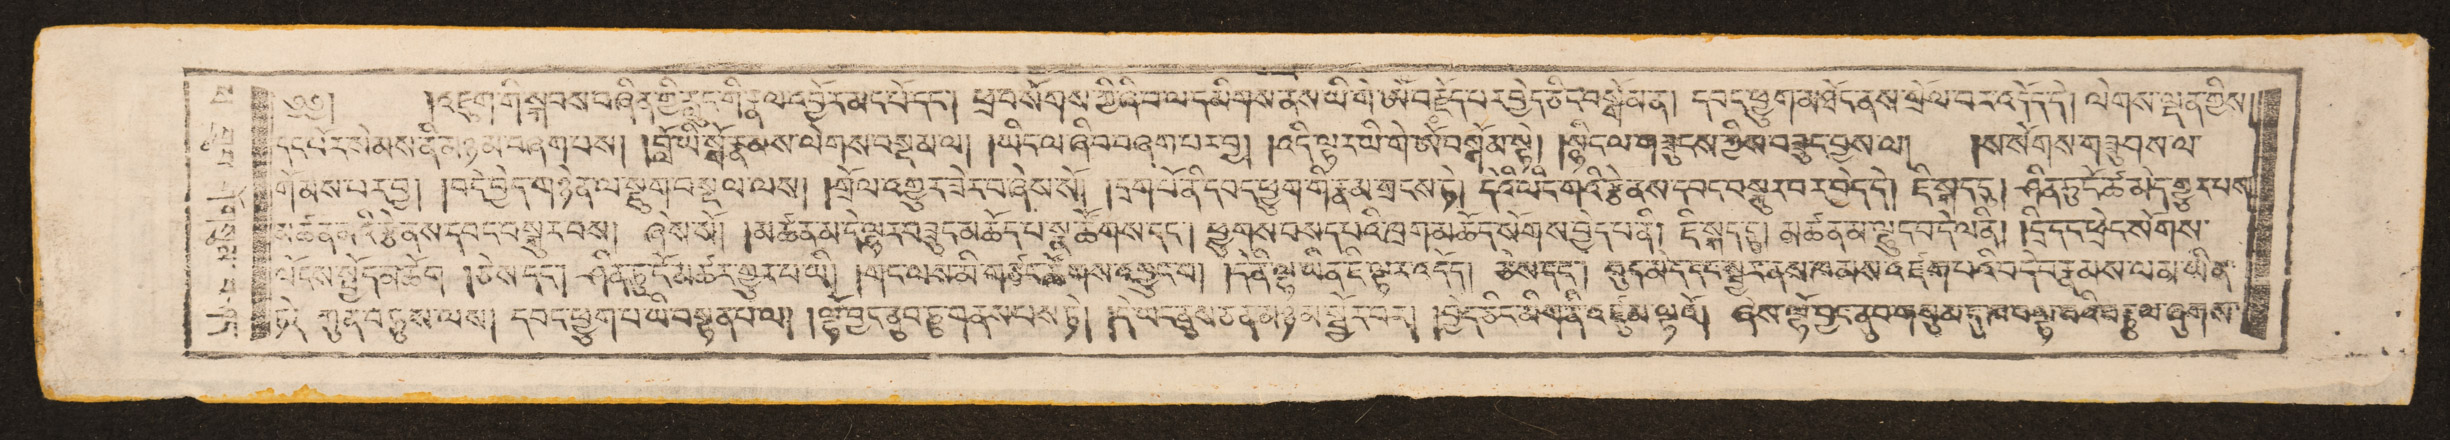༄༅། །འཇུག་གི་སྐབས་བཞིན་གྱི་རླུང་གི་རྣལ་འབྱོར་མང་པོ་དང་། ཕྲ་བ་སོགས་ཀྱི་ཞིབ་ལ་དམིགས་ནས་ཡི་གེ་ཨོཾ་བརྗོད་པར་བྱེད་ཅིང་བསྒོམ་ན། དབང་ཕྱུག་མཐོང་ནས་གྲོལ་བར་འདོད་དེ། ལེགས་ལྡན་གྱིས་
དང་པོར་སེམས་ནི་མཉམ་བཞག་པས། །བློ་ཡི་སྒོ་རྣམས་ལེགས་བསྔ་མ་ལ། །ཡིད་ལ་ཞིབ་བཞག་པར་བྱ། །འདི་ལྟར་ཡི་གེ་ཨོཾ་བསྒོམ་སྟེ། །སྙིང་ལ་གཟུངས་ཀྱིས་བཟུང་བྱས་ལ། །ས་སོགས་གཟུགས་ལ་
གོམས་པར་བྱ། །བདེ་བྱེད་གཉེན་ལ་སྡུག་བསྔལ་ལས། །གྲོལ་འགྱུར་ཟེར་བ་ཞེས་སོ། །དྲག་པོ་ནི་དབང་ཕྱུག་གི་རྣམ་གྲངས་ཏེ། དེའི་ལིང་གའི་རྩེ་ནས་དབང་བསྐུར་བར་བྱེད་དེ། ཇི་སྐད་དུ། ཤིན་ཏུ་ངོ་ཚ་མེད་གྱུར་བས་
མཚན་མའི་རྩེ་ནས་དབང་བསྐུར་བས། ཞེས་སོ། །མཚན་མ་དེ་ལྟར་བཟུང་མཆོད་པ་སྣ་ཚོགས་དང་། ཕྱུགས་བསད་པའི་ཁྲག་མཆོད་སོགས་བྱེད་པ་ནི། ཇི་སྐད་དུ། མཚན་མ་ལྷུང་བདེ་ལ་ནི། །དྲི་དང་ཕྲེང་སོགས་
ལོངས་སྤྱོད་མཆོག །ཅེས་དང་། ཤིན་ཏུ་ངོ་མཚར་གྱུར་པ་ཡི། །གང་ལས་མི་གཙང་ཚོགས་འབྱུང་བ། །དེ་ནི་ལྷ་ཡིན་ཇི་ལྟར་འདོད། ཅེས་དང་། བུད་མེད་དང་སྦྱར་ནས་ཁམས་འཛག་པའི་བདེ་བ་རྣམས་ལམ་ཡིན་
ཏེ༑ ཀུན་བཏུས་ལས། དབང་ཕྱུག་པ་ཡི་བསྟན་པ་ལ། །ལྷོ་བྱང་ནུབ་ཏུ་གནས་པས་ཏེ། །དེ་ཡང་ནུས་ཅན་མཉམ་སྦྱོར་བར། །བྱེད་ཅིང་མིག་ནི་འཛུམ་ལྟའོ། ཞེས་ལྷོ་བྱང་ནུབ་གསུམ་དུ་ཁབ་ལྟ་བའི་བརྟུལ་ཞུགས་